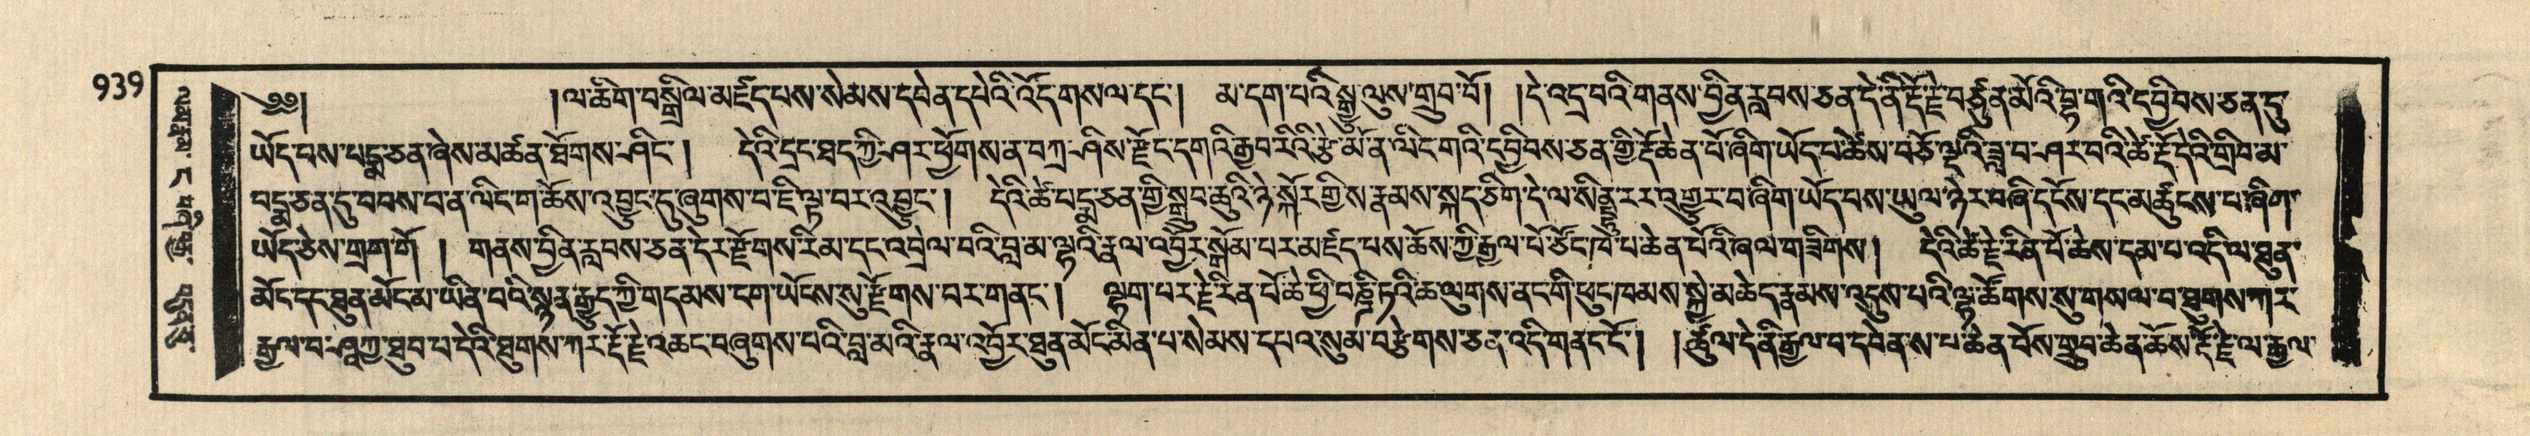༄༅། །ལ་ཆིག་བསྒྲིལ་མཛད་པས་སེམས་དབེན་དཔེའི་འོད་གསལ་དང་། མ་དག་པའི་སྒྱུ་ལུས་གྲུབ་བོ། །དེ་འདྲ་བའི་གནས་བྱིན་རླབས་ཅན་དེ་ནི་རྡོ་རྗེ་བཙུན་མོའི་བྷ་གའི་དབྱིབས་ཅན་དུ་
ཡོད་པས་པདམ་ཅན་ཞེས་མཚན་ཐོགས་ཤིང་། དེའི་དྲང་ཐད་ཀྱི་ཤར་ཕྱོགས་ན་བཀྲ་ཤིས་རྫོང་དགའི་རྒྱབ་རིའི་རྩེ་མོ་ན་ལིང་གའི་དབྱིབས་ཅན་གྱི་རྡོ་ཆེན་པོ་ཞིག་ཡོད་པ་ཚེས་བཅོ་ལྔའི་ཟླ་བ་ཤར་བའི་ཚེ་རྡོ་དེའི་གྲིབ་མ་
པདམ་ཅན་དུ་བབས་པ་ན་ལིང་ག་ཆོས་འབྱུང་དུ་ཞུགས་པ་ཇི་ལྟ་བར་འབྱུང་། དེའི་ཚེ་པདམ་ཅན་གྱི་སྒྲུབ་ཆུའི་ཉེ་སྐོར་གྱིས་རྣམ་སྐད་ཅིག་དེ་ལ་སིནྡྷུ་རར་འགྱུར་བ་ཞིག་ཡོད་པས་ཡུལ་ཉེར་བཞི་དངོས་དང་མཚུངས་པ་ཞིག་
ཡོད་ཅེས་གྲག་གོ །གནས་བྱིན་རླབས་ཅན་དེར་རྫོགས་རིམ་དང་འབྲེལ་བའི་བླ་མ་ལྷའི་རྣལ་འབྱོར་སྒོམ་པར་མཛད་པས་ཆོས་ཀྱི་རྒྱལ་པོ་ཙོང་ཁ་པ་ཆེན་པོའི་ཞལ་གཟིགས། དེའི་ཚེ་རྗེ་རིན་པོ་ཆེས་དམ་པ་འདི་ལ་ཐུན་
མོང་དང་ཐུན་མོང་མ་ཡིན་བའི་སྙན་རྒྱུད་ཀྱི་གདམས་ངག་ཡོངས་སུ་རྫོགས་བར་གནང་། ལྷག་པར་རྗེ་རིན་པོ་ཆེ་ཕྱི་པཎྜི་ཏའི་ཆ་ལུགས་ནང་གི་ཕུང་ཁམས་སྐྱེ་མཆེད་རྣམས་འདུས་པའི་ལྷ་ཚོགས་སུ་གསལ་བ་ཐུགས་ཀར་
རྒྱལ་བ་ཤཱཀྱ་ཐུབ་པ་དེའི་ཐུགས་ཀར་རྡོ་རྗེ་འཆང་བཞུགས་པའི་བླ་མའི་རྣལ་འབྱོར་ཐུན་མོང་མིན་པ་སེམས་དཔའ་སུམ་བརྩེགས་ཅན་འདི་གནང་ངོ། །ཚུལ་དེ་ནི་རྒྱལ་བ་དབེན་ས་པ་ཆེན་བོས་གྲུབ་ཆེན་ཆོས་རྡོ་རྗེ་ལ་རྒྱལ་